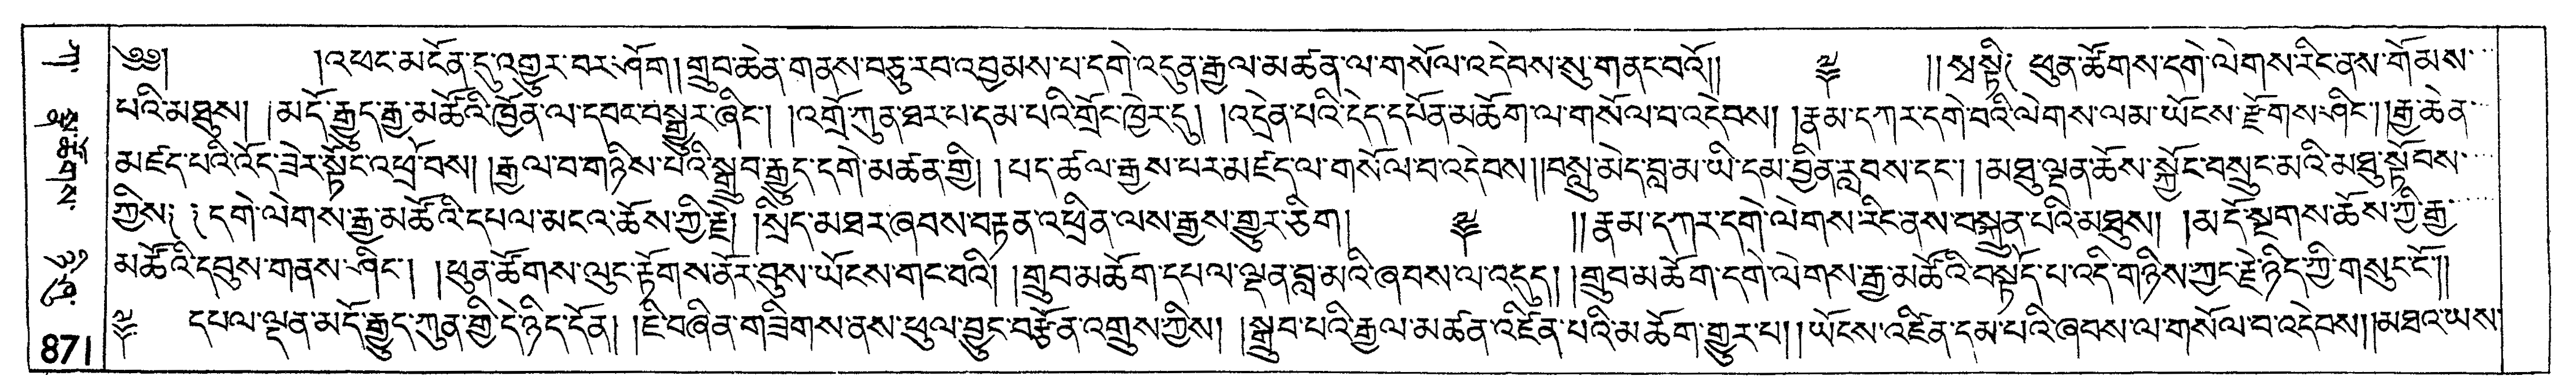༄༅། །འཕང་མངོན་དུ་འགྱུར་བར་ཤོག །གྲུབ་ཆེན་གནས་བཅུ་རབ་འབྱམས་པ་དགེ་འདུན་རྒྱལ་མཚན་ལ་གསོལ་འདེབས་སུ་གནང་བའོ།། ༈ །།སྭསྟི༑ ཕུན་ཚོགས་དགེ་ལེགས་རིང་ནས་གོམས་
པའི་མཐུས། །མདོ་རྒྱུད་རྒྱ་མཚོའི་ཁྱོན་ལ་དབང་བསྒྱུར་ཞིང་། །འགྲོ་ཀུན་ཐར་པ་དམ་པའི་གྲོང་ཁྱེར་དུ། །འདྲེན་པའི་དེད་དཔོན་མཆོག་ལ་གསོལ་བ་འདེབས། །རྣམ་དཀར་དགེ་བའི་ལེགས་ལམ་ཡོངས་རྫོགས་ཤིང་། །རྒྱ་ཆེན་
མཛད་པའི་འོད་ཟེར་སྟོང་འཕྲོ་བས། །རྒྱལ་བ་གཉིས་པའི་སྒྲུབ་རྒྱུད་དགེ་མཚན་གྱི། །པད་ཚལ་རྒྱས་པར་མཛད་ལ་གསོལ་བ་འདེབས། །བསླུ་མེད་བླ་མ་ཡི་དམ་བྱིན་རླབས་དང་། །མཐུ་ལྡན་ཆོས་སྐྱོང་བསྲུང་མའི་མཐུ་སྟོབས་
ཀྱིས༑ ༑དགེ་ལེགས་རྒྱ་མཚོའི་དཔལ་མངའ་ཆོས་ཀྱི་རྗེ། །སྲིད་མཐར་ཞབས་བརྟན་འཕྲིན་ལས་རྒྱས་གྱུར་ཅིག ། ༈ །།རྣམ་དཀར་དགེ་ལེགས་རིང་ནས་བསྐྲུན་པའི་མཐུས། །མདོ་སྔགས་ཆོས་ཀྱི་རྒྱ་
མཚོའི་དབུས་གནས་ཤིང་། །ཕུན་ཚོགས་ལུང་རྟོགས་ནོར་བུས་ཡོངས་གང་བའི། །གྲུབ་མཆོག་དཔལ་ལྡན་བླ་མའི་ཞབས་ལ་འདུད། །གྲུབ་མཆོག་དགེ་ལེགས་རྒྱ་མཚོའི་བསྟོད་པ་འདི་གཉིས་ཀྱང་རྗེ་ཉིད་ཀྱི་གསུང་ངོ།།
༈ དཔལ་ལྡན་མདོ་རྒྱུད་ཀུན་གྱི་དེ་ཉིད་དོན། །ཇི་བཞིན་གཟིགས་ནས་ཕུལ་བྱུང་བརྩོན་འགྲུས་ཀྱིས། །སྒྲུབ་པའི་རྒྱལ་མཚན་འཛིན་པའི་མཆོག་གྱུར་པ། །ཡོངས་འཛིན་དམ་པའི་ཞབས་ལ་གསོལ་བ་འདེབས། །མཐའ་ཡས་